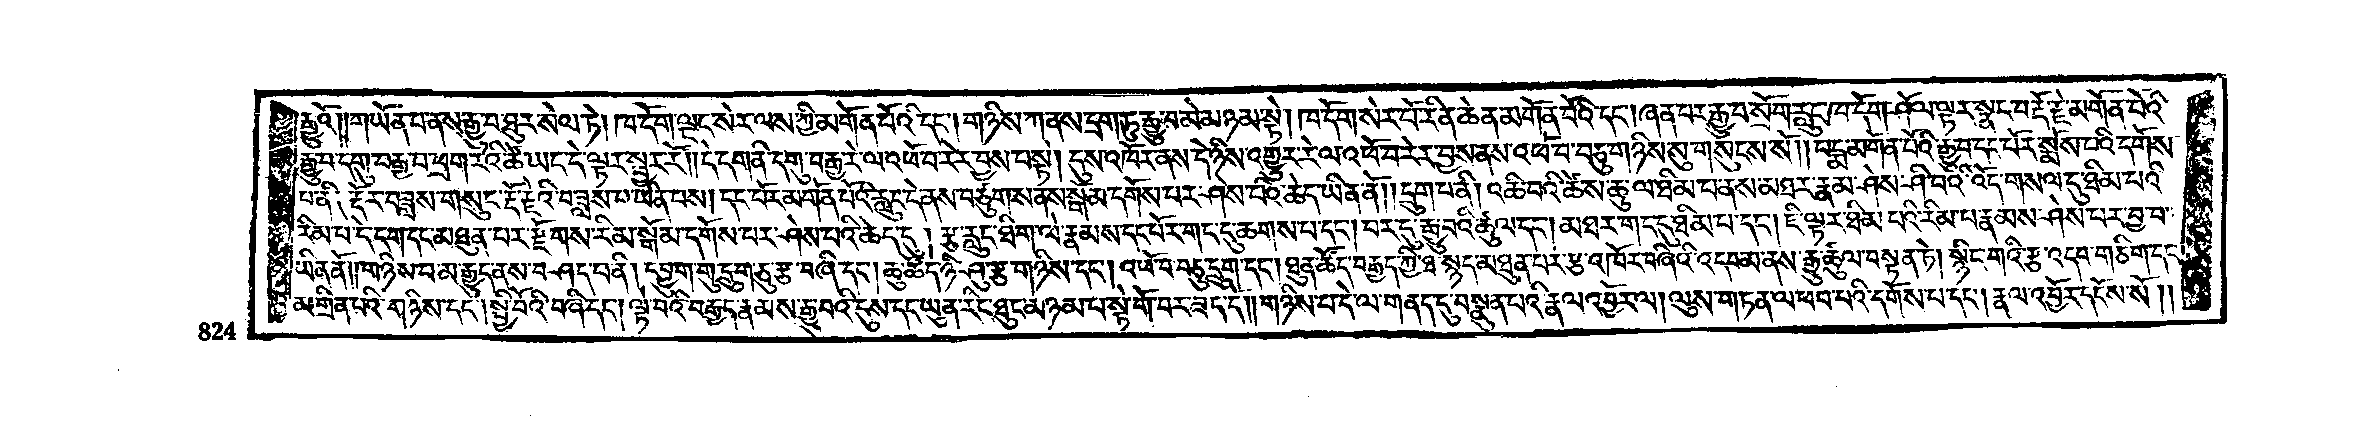རྒྱུའོ། །གཡོན་པ་ནས་རྒྱུ་བ་ཐུར་སེལ་ཏེ། ཁ་དོག་ལྡང་སེར་ལས་ཀྱི་མགོན་པོའི་དང་། གཉིས་ཀས་ནས་དྲག་ཏུ་རྒྱུ་བ་མེ་མཉམ་སྟེ། ཁ་དོག་སེར་པོ་རིན་ཆེན་མགོན་པོའི་དང་། ཞན་པར་རྒྱུ་བ་སྲོག་རླུང་ཁ་དོག་ཤོལ་ལྟར་སྣང་བ་རྡོ་རྗེ་མགོན་པོའི་
རྒྱུ་བ་དགུ་བརྒྱ་པ་ཕྲག་རའི་ཚེ་ཡང་དེ་ལྟར་སྦྱར་རོ། །དེ་དག་ནི་དགུ་བརྒྱ་རེ་ལ་འཕོ་བ་རེར་བྱས་པ་སྟེ། དུས་འཁོར་ནས་དེ་ཉིས་འགྱུར་རེ་ལ་འཕོ་བ་རེར་བྱས་ནས་འཕོ་བ་བཅུ་གཉིས་སུ་གསུངས་སོ། །པདམ་མགོན་པོའི་རྒྱུ་བ་དང་པོར་སྨོས་པའི་དགོས་
པ་ནི། རྡོར་བཟླས་གསུང་རྡོ་རྗེའི་བཟླས་པ་ཡིན་པས། དང་པོར་མགོན་པོའི་རླུང་དེ་ནས་བཙུགས་ནས་སྒོམ་དགོས་པར་ཤེས་པའི་ཆེད་ཡིན་ནོ། །དྲུག་པ་ནི། འཆི་བའི་ཚེས་ཆུ་ལ་ཐིམ་པ་ནས་མཐར་རྣམ་ཤེས་ཤི་བའི་འོད་གསལ་དུ་ཐིམ་པའི་
རིམ་པ་དེ་དག་དང་མཐུན་པར་རྫོགས་རིམ་སྒོམ་དགོས་པར་ཤེས་པའི་ཆེད་དུ། རྩ་རླུང་ཐིག་ལེ་རྣམས་དང་པོར་གང་དུ་ཆགས་པ་དང་། བར་དུ་རྒྱུ་བའི་ཚུལ་དང་། མཐར་གང་དུ་ཐིམ་པ་དང་། ཇི་ལྟར་ཐིམ་པའི་རིམ་པ་རྣམས་ཤེས་པར་བྱ་བ་
ཡིན་ནོ། །གཉིས་པ་མ་རྒྱུད་ནས་བཤད་པ་ནི། དབྱུག་གུ་དྲུག་ཅུ་རྩ་བཞི་དང་། ཆུ་ཚད་ཉི་ཤུ་རྩ་གཉིས་དང་། འཕོ་བ་བཅུ་དྲུག་དང་། ཐུན་ཚོད་བརྒྱད་ཀྱི་ཐ་སྙད་མཐུན་པར་རྩ་འཁོར་བཞིའི་འདབ་མ་ནས་རྒྱུ་ཚུལ་བསྟན་ཏེ། སྙིང་གའི་རྩ་འདབ་གཅིག་དང་
མགྲིན་པའི་གཉིས་དང་། སྤྱི་བོའི་བཞི་དང་། ལྟེ་བའི་བརྒྱད་རྣམས་རྒྱུ་བའི་དུས་དང་ཡུན་རིང་ཐུང་མཉམ་པ་སྟེ་གོ་བར་ཟད་དོ། །གཉིས་པ་དེ་ལ་གནད་དུ་བསྣུན་པའི་རྣལ་འབྱོར་ལ། ལུས་གཏན་ལ་ཕབ་པའི་དགོས་པ་དང་། རྣལ་འབྱོར་དངོས་སོ། །